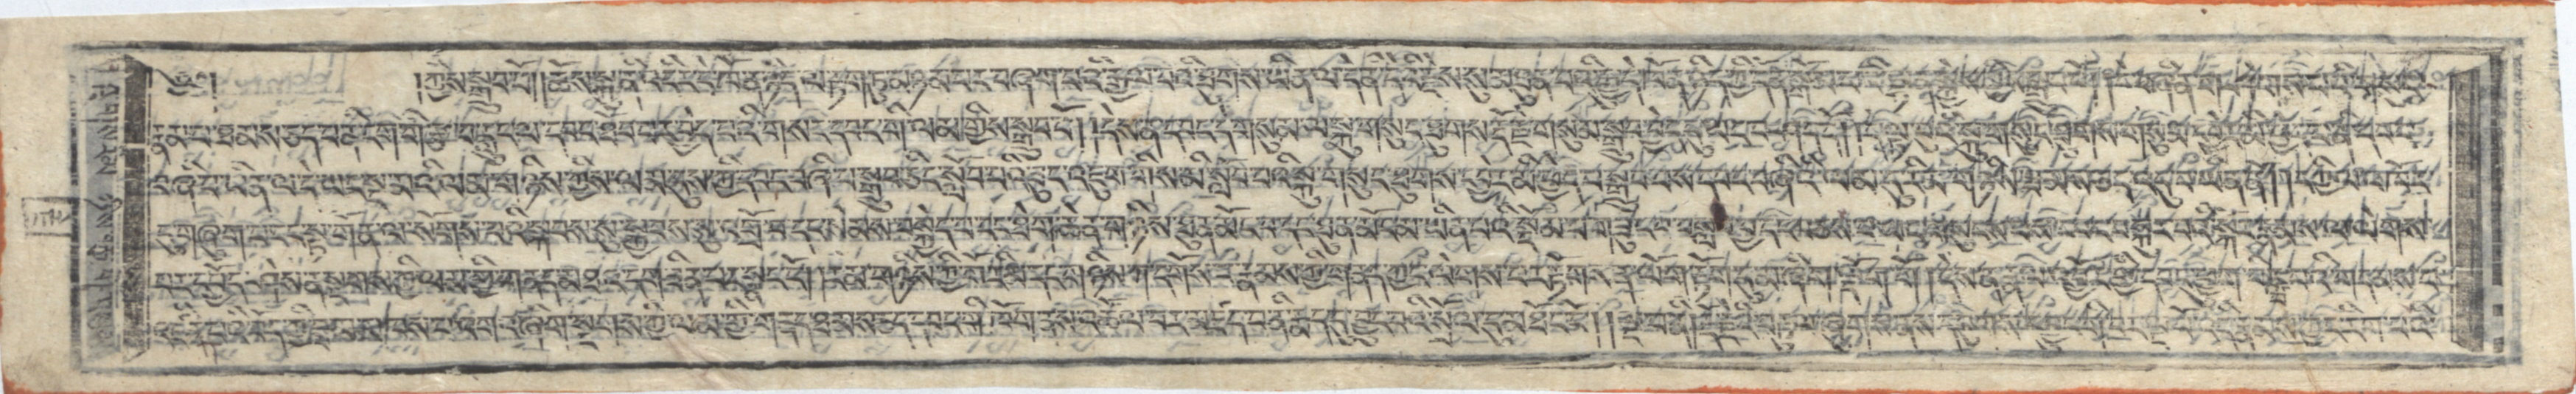༄༅། །ཀྱིས་སྒྲུབ་བོ། །ཆོས་སྐུ་ནི་འདིར་དེ་ཁོ་ན་ཉིད་ལ་རྟག་ཏུ་མཉམ་པར་བཞག་པའི་རྒྱལ་བའི་ཐུགས་ཡིན་ལ་དེ་ནི་དེའི་རྗེས་སུ་མཐུན་པའི་རྒྱུ་དེ་ཁོ་ན་ཉིད་ཀྱི་དོན་སྒོམ་པའི་ལྷན་སྐྱེས་ཀྱིས་སྒྲུབ་པོ། །དེ་བཞིན་གཤེགས་པའི་གསུང་
རྣམ་པ་ཐམས་ཅད་པ་ནི་ངག་གི་རྩ་བ་རླུང་ལ་དབང་ཐོབ་པར་བྱེད་པའི་གསང་དབང་གི་ལམ་གྱིས་སྒྲུབ་བོ། །དེས་ན་དབང་དེ་གསུམ་ལ་སྐུ་གསུང་ཐུགས་རྡོ་རྗེ་གསུམ་སྒྲུབ་བྱེད་དུ་ཡང་བཤད་དོ། །དེ་ལྟ་བུའི་སྐུ་གསུང་ཐུགས་གསུམ་དབྱེར་མི་ཕྱེད་པ་ནི་དབང་
བཞི་པ་ཡིན་ལ་དེ་ཡང་སྔ་མའི་ལམ་གཉིས་ཀྱིས་ལམ་དུས་ཀྱི་དབང་བཞི་པ་སྒྲུབ་ཅིང་སློབ་པའི་ཟུང་འཇུག་གིས་མི་སློབ་པའི་སྐུ་གསུང་ཐུགས་དབྱེར་མི་ཕྱེད་པ་སྒྲུབ་པས་དབང་བཞིའི་ལམ་དུ་རིམ་གཉིས་ཐམས་ཅད་འདུ་བ་ཡིན་ནོ། །དཀྱིལ་འཁོར་
དུ་གཞུག་པ་དང་སྟ་གོན་ལ་སོགས་པའི་སྐབས་སུ་སྐྱབས་སུ་འགྲོ་བ་དང་སེམས་བསྐྱེད་པ་དང་ཐེག་ཆེན་གཉིས་ཐུན་མོང་བ་དང་ཐུན་མོང་མ་ཡིན་པའི་སྡོམ་པ་གཟུང་བ་བསླབ་བྱ་དང་བཅས་པ་ཡང་གསུངས་པས་དབང་བསྐུར་བའི་སྐོར་རྣམས་ལ་ལེགས་
པར་དཔྱོད་ཤེས་ན་སྔགས་ཀྱི་ལམ་གྱི་གནད་མཐའ་དག་ཟིན་པར་སྣང་ངོ། །རིམ་གཉིས་ཀྱི་གོ་རིམ་དང་གཉིས་ཀ་དགོས་པ་རྣམས་ཀྱི་གནད་ཀྱང་ལེགས་པར་རྟོགས་ན་ལོག་རྟོག་དུ་མ་ཞིག་ལྡོག་གོ །དེས་ན་རྣལ་འབྱོར་གྱི་དབང་ཕྱུག་བིརྭ་པའི་གདམས་པ་
འཛིན་པའི་བོད་ཀྱི་བླ་མ་མཁས་པ་འགའ་ཞིག་སྔགས་ཀྱི་ལམ་གྱི་གནད་ཐམས་ཅད་དབང་གི་ཁོག་ནས་འཚོལ་བར་མཛད་པ་ནི་རྨད་དུ་བྱུང་བའི་སྲོལ་དུ་མཐོང་ངོ། །ལྔ་པ་ནི། རྡོ་རྗེའི་བརྟུལ་ཞུགས་ནས་དབུགས་དབྱུང་གི་བར་ལྔ་པོ་འདི་རྣམས་ཀྱང་རིག་པའི་